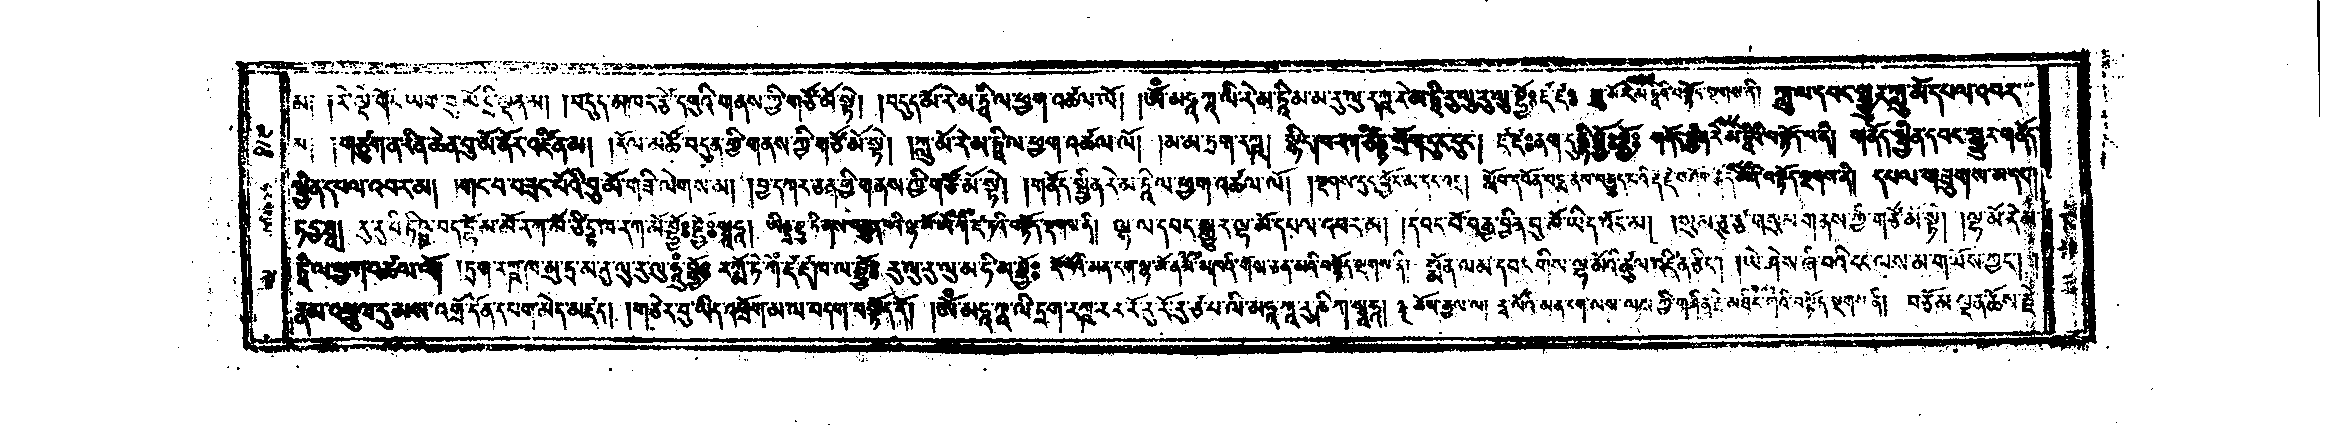མ༑ ༑རེ་ལྡེ་གོང་ཡག་བུ་མོ་དྲི་ལྡན་མ། །བདུད་མཁར་རྩེ་དགུའི་གནས་ཀྱི་གཙོ་མོ་སྟེ། །བདུད་མོ་རེ་མ་ཏཱི་ལ་ཕྱག་འཚལ་ལོ། །ཨོཾ་མཧཱ་ཀཱ་ལི་རེ་མ་ཏཱི་མ་མ་རུ་ལུ་རཀྵ་རེ་མ་ཏཱི་རུ་ལུ་རུ་ལུ་བྷྱོཿཛཿཛཿ ཀླུ་མོ་རེ་མ་ཏཱིའི༢༨༧་བསྟོད་སྔགས་ནི། ཀླུ་ལ་དབང་སྒྱུར་ཀླུ་མོ་དཔལ་འབར་
མ༑ ༑གཙུག་ན་རིན་ཆེན་བུ་མོ་ནོར་འཛིན་མ། །རོལ་མཚོ་བདུན་གྱི་གནས་ཀྱི་གཙོ་མོ་སྟེ། །ཀླུ་མོ་རེ་མ་ཏཱི་ལ་ཕྱག་འཚལ་ལོ། །མ་མ་ཏྲག་རཀྵ། སྙིང་ཁ་རཀ་ཙིཏྟ་སྲོག་དུང་དུང་། ཛ་ཛཿནག་དུནྟི་བྷྱོཿབྷྱོཿ །ནོད་སྦྱིན་རེ་མ༢༨༨་ཏཱིའི་བསྟོད་པ་ནི། གནོད་སྦྱིན་དབང་སྒྱུར་གནོད་
སྦྱིན་དཔལ་འབར་མ། །གང་བ་བཟང་པོའི་བུ་མོ་གཟི་ལེགས་མ། །བྱ་དཀར་ཅན་གྱི་གནས་ཀྱི་གཙོ་མོ་སྟེ། །གནོད་སྦྱིན་རེ་མ་ཏཱི་ལ་ཕྱག་འཚལ་ལོ། །སྔབས?་དུད་སྐྱོང་མ་དང་འདྲ། སློབ་དཔོན་པདམ་ནས་བརྒྱུད་པའི་རྡོ་རྗེ་གཤོག་རྒོད་མའི༢༨༩་བསྟོད་སྔགས་ནི། དཔལ་གཟུགས་མ་དང་།
ཏདྱ་ཐཱ། རུ་རུ་བི་ཏིཥཊཿཨ་བད་དྷོ་མ་མོ་རཀ་མོ་ཙིཏྟ?་ཁ་རཀ་མོ་བྷྱོཿབྷྱོཿསྭཱཧཱ། ཨིནྡྲ་བྷུ་ཏི་ནས་བརྒྱུད་པའི་ལྷ་མོ་ཨེ་ཀ༢༩༠་ཛ་ཏའི་བསྟོད་སྔགས་ནི། ལྷ་ལ་དབང་སྒྱུར་ལྷ་མོ་དཔལ་འབར་མ། །དབང་པོ་བརྒྱ་བྱིན་བུ་མོ་ཡིད་འོང་མ། །སུམ་ཅུ་རྩ་གསུམ་གནས་ཀྱི་གཙོ་མོ་སྟེ། །ལྷ་མོ་རེ་མ་
ཏཱི་ལ་ཕྱག་འཚལ་ལོ། །ཏྲག་རཀྵ་ཁ་མུ་ཏྲ་མ་རུ་ལུ་རུ་ལུ་ཧཱུཾ་བྷྱོཿ རཀྨོ་ཏེ་ཀེཾ་ཛ་ཛ་ཁ་ལ་བྷྱོཿ རུ་ལུ་རུ་ལུ་མ་ཧེ་མ་བྷྱོཿ ཇོ་བོའི་མན་ངག་ལྷ་མོ་ནམ༢༩༡་མཁའི་གོས་ཅན་མའི་བསྟོད་སྔགས་ནི། སྨོན་ལམ་དབང་གིས་ལྷ་མོའི་ཚུལ་འཛིན་ཅིང་། །ཡེ་ཤེས་ཞི་བའི་ངང་ལས་མ་གཡོས་ཀྱང་། །
རྣམ་འཕྲུལ་དུ་མས་འགྲོ་དོན་དཔག་མེད་མཛད། །གཅེར་བུ་ཡིད་འཕྲོག་མ་ལ་བདག་བསྟོད་དོ། །ཨོཾ་མཧཱ་ཀཱ་ལི་ཏྲག་རཀྵ་ར་ར་རོ་རུ་རོ་རུ་ཙ་པ་ལི་མཧཱ་ཀཱ་རུ་ཎི་ཀ་སྭཱཧཱ། ༈ ཆོས་རྒྱལ་ལ། རྭ་ལོའི་མན་ངག་ལས་ལས་ཀྱི་གཤིན་རྗེ་མཐིང༢༩༢་གའི་བསྟོད་སྔགས་ནི། བཅོམ་ལྡན་ཆོས་རྗེ་